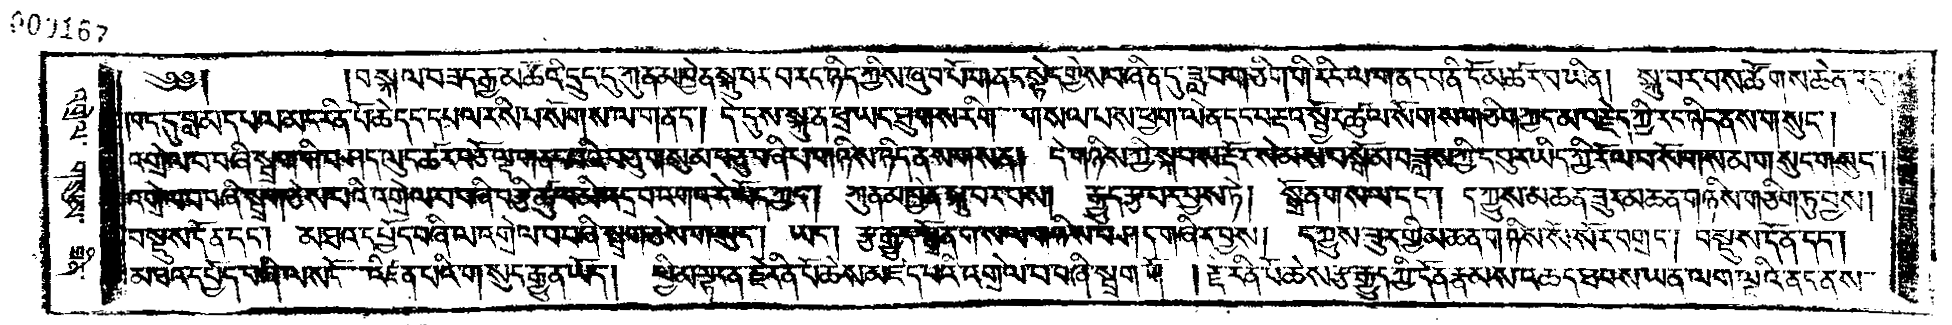༄༅། །བསྐལ་བཟང་རྒྱ་མཚོའི་དྲུང་དུ་ཀུན་མཁྱེན་སྐུ་བར་བ་རང་ཉིད་ཀྱིས་ཞུ་བ་པོ་གནང་སྟེ་དགྱེས་བཞིན་དུ་ཟླ་བ་གཅིག་གི་རིང་ལ་གནང་བ་ནི་ངོ་མཚར་བ་ཡིན། སྐུ་བར་བས་ཚོགས་ཆེན་འདུ་
ཁང་དུ་བླ་མ་དཔལ་མང་རིན་པོ་ཆེ་དང་དཔལ་རིས་པ་སོགས་ལ་གནང་། དེ་དུས་སྐུ་ན་ཕྲ་ཡང་ཐུགས་རིག་གསལ་པས་ཕྱག་ལེན་དང་བརྡའ་སྦྱོར་ཚུལ་སོགས་གཅིག་ཀྱང་མ་བརྗེད་ཀྱི་རང་ཉིད་ནས་གསུང་།
འགྲེལ་བ་བཞི་སྦྲག་གི་བཤད་ལུང་ཚར་བཅོ་ལྔ་གནང་བའི་བཅུ་གསུམ་བཅུ་བཞི་པ་གཉིས་ཉིད་ནས་གསན། དེ་གཉིས་ཀྱི་སྐབས་རྡོར་སེམས་བསྒོམ་བཟླས་ཀྱི་དབུར་ཡིད་ཀྱི་རོལ་བ་སོགས་མ་གསུང་གསུང་།
འགྲེལ་བ་བཞི་སྦྲག་ཅེས་པའི་འགྲེལ་བ་བཞི་བརྩི་ཚུལ་མི་འདྲ་བ་འགའ་རེ་ཡོད་ཀྱང་། ཀུན་མཁྱེན་སྐུ་བར་བས། རྒྱུད་རྩ་བར་བྱས་ཏེ། སྒྲོན་གསལ་དང་། དཀྱུས་མཆན་ཟུར་མཆན་གཉིས་གཅིག་ཏུ་བྱས།
བསྡུས་དོན་དང་། མཐའ་དཔྱོད་བཞི་ལ་འགྲེལ་བ་བཞི་སྦྲག་ཅེས་གསུང་། ཡང་། རྩ་རྒྱུད་སྒྲོན་གསལ་གཉིས་བཤད་གཞིར་བྱས། དཀྱུས་ཟུར་གྱི་མཆན་གཉིས་སོ་སོར་བགྲང་། བསྡུས་དོན་དང་།
མཐའ་དཔྱོད་བཞི་ལས་ངོ་འཛིན་པའི་གསུང་རྒྱུན་ཡོད། ཕྱི་མ་ལྟར་ན་རྗེ་རིན་པོ་ཆེས་མཛད་པའི་འགྲེལ་བ་བཞི་སྦྲག་གོ །རྗེ་རིན་པོ་ཆེས་རྩ་རྒྱུད་ཀྱི་དོན་རྣམས་འཆད་ཐབས་ཡན་ལག་ལྔའི་ནང་ནས་